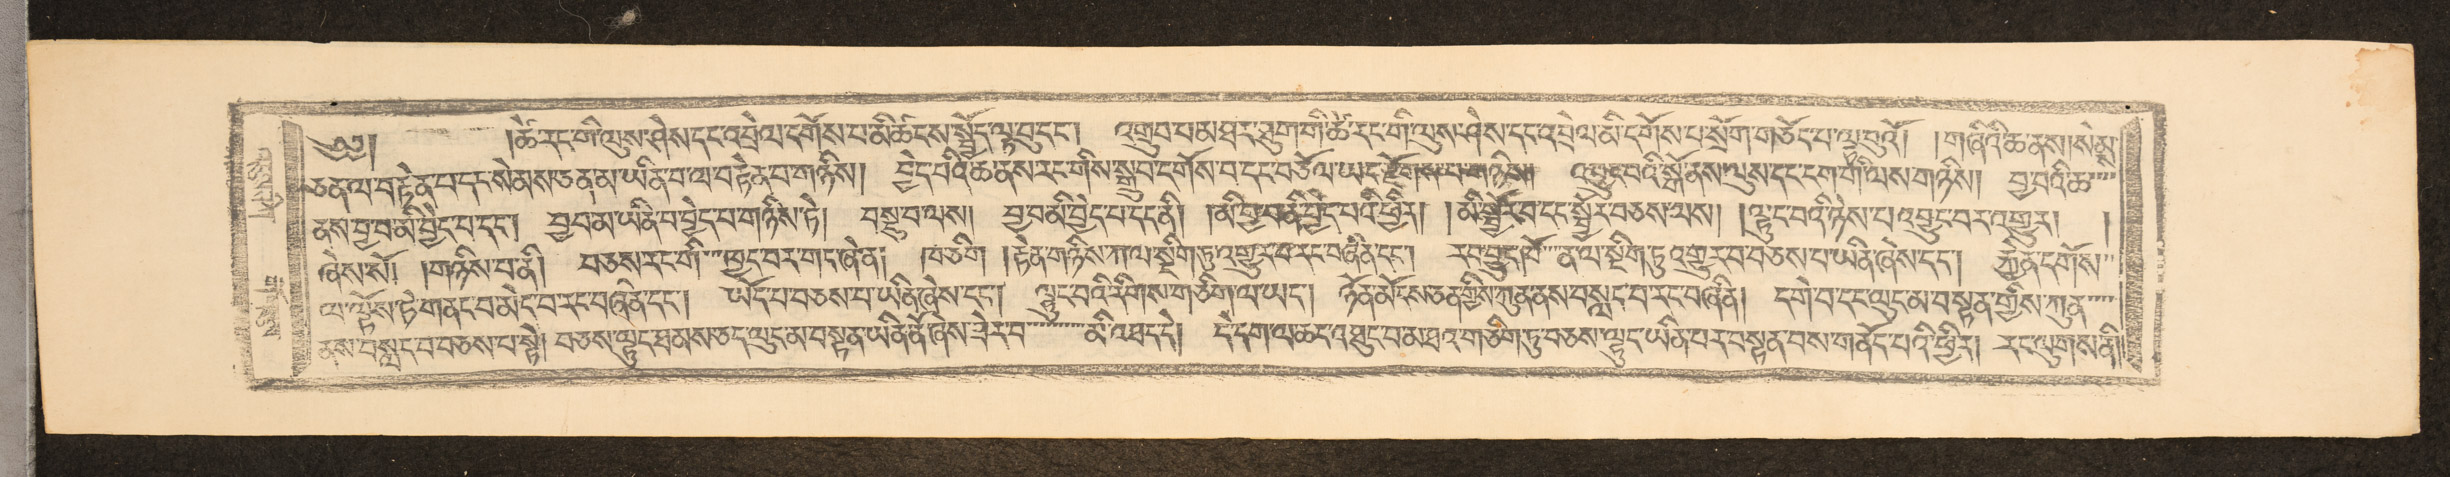༄༅། །ཚེ་རང་གི་ལུས་ཤེས་དང་འབྲེལ་དགོས་པ་མི་ཚངས་སྦྱོད་ལྟ་བུ་དང་། འགྲུབ་པ་མཐར་ཐུག་གི་ཚེ་རང་གི་ལུས་ཤེས་དང་འབྲེལ་མི་དགོས་པ་སྲོག་གཅོད་པ་ལྟ་བུའོ། །གཞིའི་ཆ་ནས། སེམས་
ཅན་ལ་བརྟེན་པ་དང་སེམས་ཅན་མ་ཡིན་པ་ལ་བརྟེན་པ་གཉིས། བྱེད་པའི་ཆ་ནས་རང་གིས་སྒྲུབ་དགོས་པ་དང་བཅོལ་ཡང་རྫོགས་པ་གཉིས། འབྱུང་བའི་སྒོ་ནས་ལུས་དང་ངག་གི་ལས་གཉིས། བྱ་བའི་ཆ་
ནས་བྱ་བ་མི་བྱེད་པ་དང་། བྱ་བ་མ་ཡིན་པ་བྱེད་པ་གཉིས་ཏེ། བསྡུ་བ་ལས། བྱ་བ་མི་བྱེད་པ་དང་ནི། །མི་བྱ་བ་ནི་བྱེད་པའི་ཕྱིར། །མི་སྦྱོར་བ་དང་སྦྱོར་བཅས་ལས། །ལྟུང་བའི་ཉེས་པ་འབྱུང་བར་འགྱུར། །
ཞེས་སོ། །གཉིས་པ་ནི། བཅས་རང་གི་ཁྱད་པར་གང་ཞེ་ན། ཁ་ཅིག །རྟེན་གཉིས་ཀ་ལ་སྡིག་ཏུ་འགྱུར་བ་རང་བཞིན་དང་། རབ་བྱུང་ཁོ་ན་ལ་སྡིག་ཏུ་འགྱུར་བ་བཅས་པ་ཡིན་ཞེས་དང་། རྐྱེན་དགོས་
ལ་ལྟོས་ཏེ་གནང་བ་མེད་པ་རང་བཞིན་དང་། ཡོད་པ་བཅས་པ་ཡིན་ཞེས་དང་། ལྟུང་བའི་རིགས་གཅིག་ལ་ཡང་། ཉོན་མོངས་ཅན་གྱིས་ཀུན་ནས་བསླང་བ་རང་བཞིན། དགེ་བ་དང་ལུང་མ་བསྟན་གྱིས་ཀུན་
ནས་བསླང་པ་བཅས་པ་སྟེ། བཅས་ལྟུང་ཐམས་ཅད་ལུང་མ་བསྟན་ཡིན་ནོ་ཞེས་ཟེར་བ་མི་འཐད་དེ། དེ་དག་ལ་ཆང་འཐུང་བ་མཐའ་གཅིག་ཏུ་བཅས་ལྟུང་ཡིན་པར་བསྟན་པས་གནོད་པའི་ཕྱིར། རང་ལུགས་ནི།